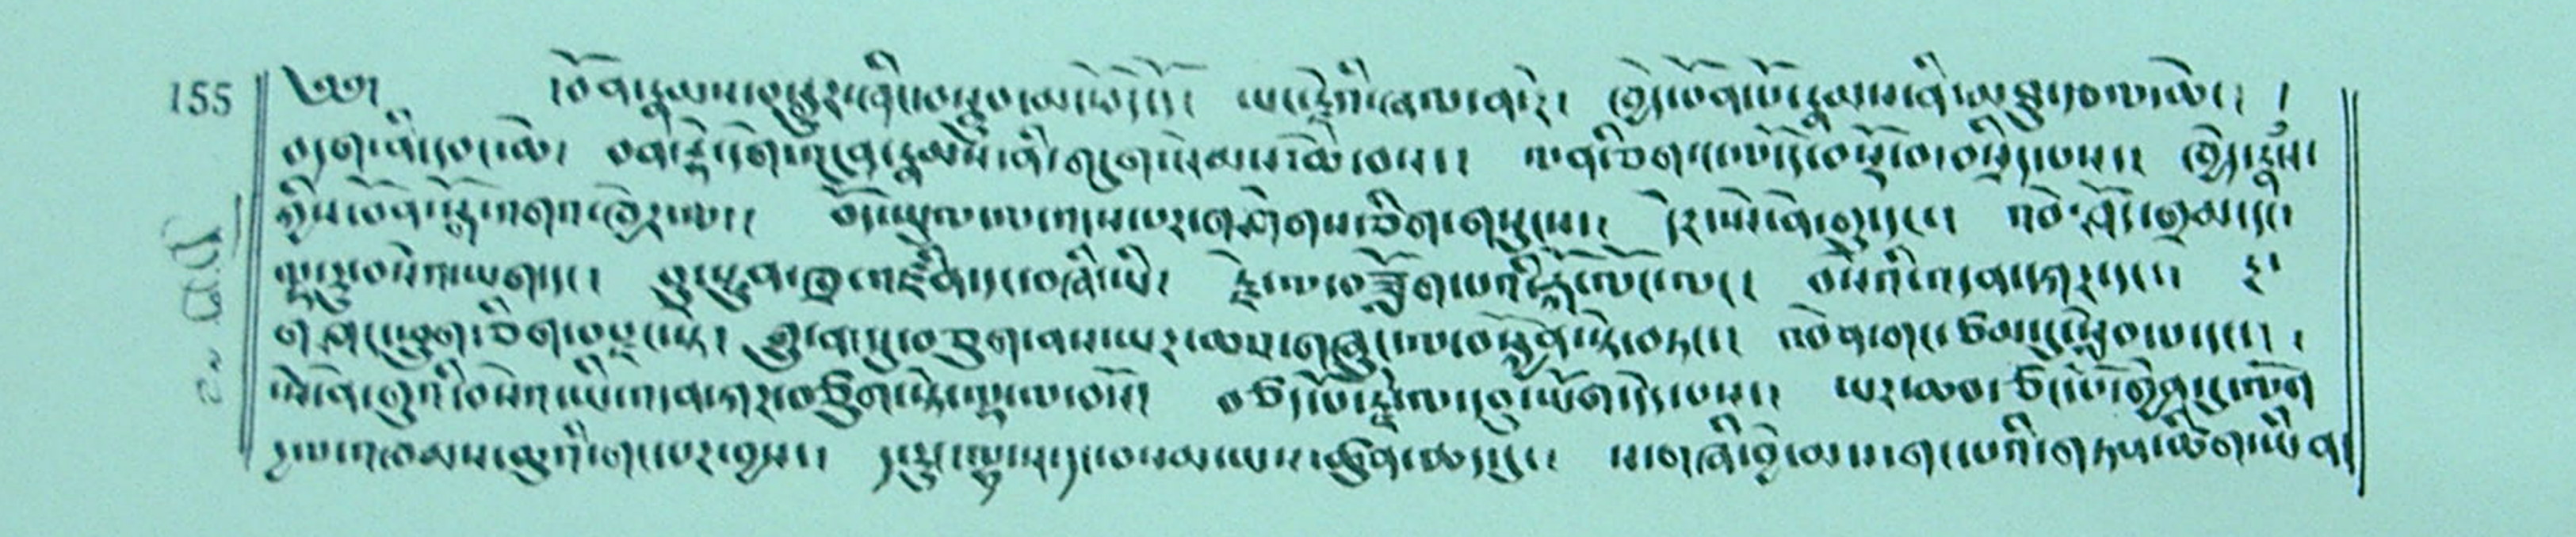༄༅། །བོན་རྣམས་བསྒྱུར་ཞིང་བསྣུབས་མ་ཕོད་དོ། །ཡང་རྗེའི་ཞལ་ན་རེ། ཁྱེད་བོན་པོ་རྣམས་ནི་མཐུ་རྩལ་ཆེ། 
བདག་ནི་དབང་ཆེ། བན་དྷེ་དགེ་འདུན་རྣམས་ནི་གདུག་སེམས་ཆེ་བས། ལན་གཅིག་ང་ལ་དོ་བསྡོ་བ་བསྲིད་པས། ཁྱེད་རྣམས་
ཀྱིས་བོན་སྒོ་འགའ་ཁྱེར་ལ། བོད་ཡུལ་ལ་འདས་པར་གཤེགས་ཅིག་གསུངས། དེར་སྤེ་ནེ་གུ་དང་། འབེ་ཤོད་གྲམ་དང་། 
ལྷ་རུ་བསེ་གཡག་དང་། བུ་ལྷུན་ཁྲ་འཛིན་དང་བཞི་ཡིས། རྗེ་ལ་བཟློག་པའི་རྐོ་ལོང་ལ། བསེའི་འདན་དཀར་དང་། རྔ་
གཤང་ཕྲུག་གཅིག་བརྫངས་ཏེ། སྒྲུ་ནང་དུ་བཅུག་ནས་ཡར་ཆས་གཞུང་ལ་བསྐྱོན་ཏེ་བཏང་། འབེན་གང་ཙམ་དུ་སླེབ་པ་དང་། 
སྤེ་ནེགུའི་བསེའི་འདན་དཀར་བཙུགས་ཏེ་ལྷ་ལ་བོས། བཙན་པོ་རྗེ་ལ་དབུ་ཡོག་དེད་པས། ཡར་ཆབ་རྩང་པོ་གྱེན་ལ་ལོག 
རྒྱལ་ཁམས་ཆུ་ཡིས་གང་བར་བྱས། ད་རུང་ལྷ་ས་དང་བསམ་ཡས་ཚུན་ཆད་དུ། ས་གཞི་བྱེ་མས་གང་བའི་གཏན་ཚིགས་ཡིན།